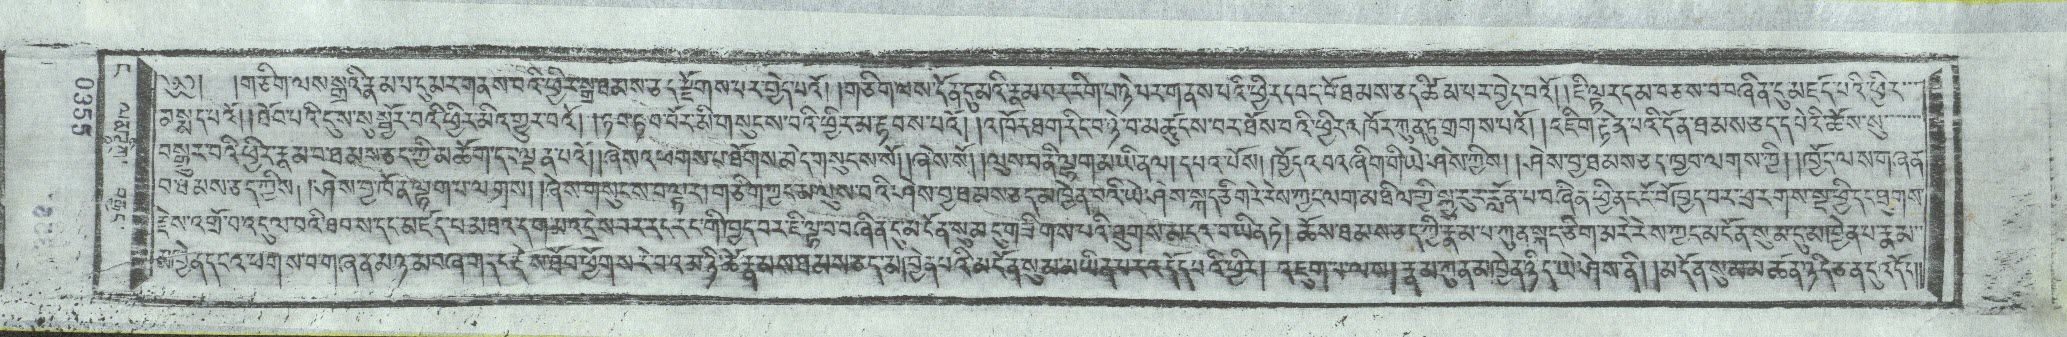༄༅། །གཅིག་ལས་སྒྲའི་རྣམ་པ་དུ་མར་གནས་བའི་ཕྱིར་སྒྲ་ཐམས་ཅད་རྫོགས་པར་བྱེད་པའོ། །གཅིག་ལས་དོན་དུ་མའི་རྣམ་པར་རིག་པ་ཉེ་པར་གནས་པའི་ཕྱིར་དབང་པོ་ཐམས་ཅད་ཚིམ་པར་བྱེད་བའོ། །ཇི་ལྟར་དམ་བཅས་བ་བཞིན་དུ་མཛད་པའི་ཕྱིར་
མ་སྨད་པའོ། །ཐོབ་པའི་དུས་སུ་སྦྱོར་བའི་ཕྱིར་མའི་འགྱུར་བའོ། །ཏབ་ཏབ་བོར་མི་གསུངས་བའི་ཕྱིར་མ་རྟབས་པའོ། །འཁོར་ཐག་རིང་བ་ཉེ་བ་མཚུངས་བར་ཐོས་བའི་ཕྱིར་འཁོར་ཀུན་ཏུ་གྲགས་པའོ། །འཇིག་རྟེན་པའི་དོན་ཐམས་ཅད་དཔེའི་ཆོས་སུ་
བསྒྱུར་བའི་ཕྱིར་རྣམ་བ་ཐམས་ཅད་ཀྱི་མཆོག་དང་ལྡན་པའོ། །ཞེས་འཕགས་པ་ཐོགས་མེད་གསུངས་སོ། །ཞེས་སོ། །ལུས་བ་ནི་ལྷག་མ་ཡིན་ལ། དཔའ་པོས། ཁྱོད་འབའ་ཞིག་གི་ཡེ་ཤེས་ཀྱིས། །ཤེས་བྱ་ཐམས་ཅད་ཁྱབ་ལགས་ཀྱི། །ཁྱོད་ལས་གཞན་
བ་ཐམས་ཅད་ཀྱིས། །ཤེས་བྱ་ཁོ་ན་ལྷག་པ་ལགས། །ཞེས་གསུངས་བ་ལྟར། གཅིག་ཀྱང་མ་ལུས་བའི་ཤེས་བྱ་ཐམས་ཅད་མཁྱེན་བའི་ཡེ་ཤེས་སྐད་ཅིག་རེ་རེས་ཀྱང་ལག་མཐིལ་གྱི་སྐུ་རུང་རློན་པ་བཞེན་ཕྱི་ནང་ངོ་བོ་ཁྱད་པར་ཕྲ་རགས་སྔ་ཕྱི་དང་ཐུགས་
རྗེས་འགྲོ་བ་འདུལ་བའི་ཐབས་དང་མཛད་པ་མཐའ་དག་མ་འདྲེས་བར་རང་རང་གི་ཁྱད་བར་ཇི་ལྟ་བ་བཞིན་དུ་མངོན་སུམ་དུ་གཟིགས་པའི་ཐུགས་མངའ་བ་ཡིན་ཏེ། ཆོས་ཐམས་ཅད་ཀྱི་རྣམ་པ་ཀུན་སྐང་ཅིག་མ་རེ་རེས་ཀྱང་མངོན་སུམ་དུ་མཁྱེན་པ་རྣམ་
མཁྱེན་དང་འཕགས་བ་གཞན་མཉམ་བཞག་དང་རྗེས་ཐོབ་ཕྱོགས་རེ་བ་འམ་ཉི་ཚེ་རྣམས་ཐམས་ཅད་མཁྱེན་པའི་མངོན་སུམ་མ་ཡིན་པར་འདོད་པའི་ཕྱིར། འཇུག་པ་ལས། རྣམ་ཀུན་མཁྱེན་ཉིད་ཡེ་ཤེས་ནི། །མངོན་སུམ་མཚན་ཉིད་ཅན་དུ་འདོད།།